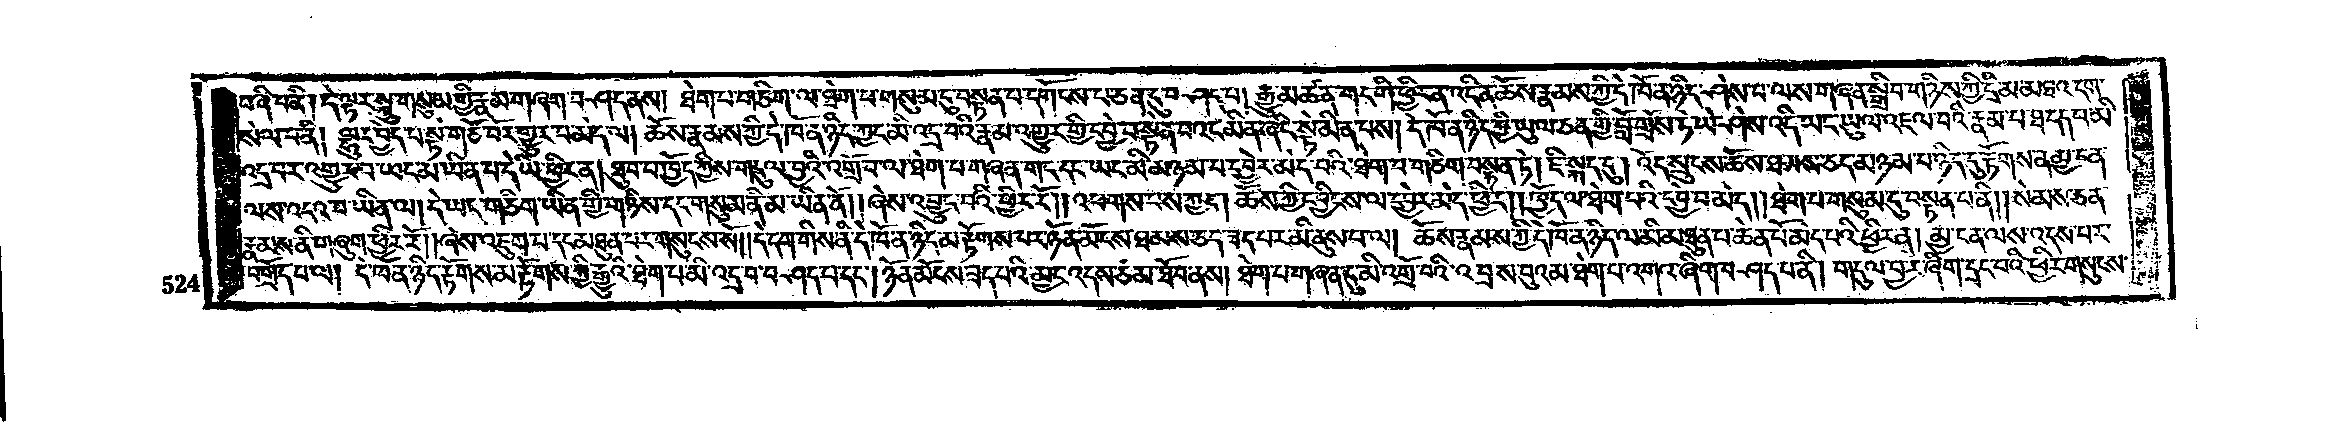བཞི་བ་ནི། དེ་ལྟར་སྐུ་གསུམ་གྱི་རྣམ་གཞག་བཤད་ནས། ཐེག་པ་གཅིག་ལ་ཐེག་པ་གསུམ་དུ་བསྟན་པ་དགོངས་པ་ཅན་དུ་བཤད་པ། རྒྱུ་མཚན་གང་གི་ཕྱིར་ན་འདི་ན་ཆོས་རྣམས་ཀྱི་དེ་ཁོ་ན་ཉིད་ཤེས་པ་ལས་གཞན་སྒྲིབ་གཉིས་ཀྱི་དྲི་མ་མཐའ་དག་
སེལ་པ་ནི། ལྷུར་བྱེད་པ་སྟེ་གཙོ་བོར་གྱུར་པ་མེད་ལ། ཆོས་རྣམས་ཀྱི་དེ་ཁོ་ན་ཉིད་ཀྱང་མི་འདྲ་བའི་རྣམ་འགྱུར་གྱི་དབྱེ་བ་སྟེན་པའང་མིན་ཞིང་སྟེ་མིན་པས། དེ་ཁོ་ན་ཉིད་ཀྱི་ཡུལ་ཅན་གྱི་བློ་གྲོས་ཏེ་ཡེ་ཤེས་འདི་ཡང་ཡུལ་འཇལ་བའི་རྣམ་པ་ཐ་དད་པ་མི་
འདྲ་བར་འགྱུར་བ་ཡང་མ་ཡིན་པ་དེ་ཡི་ཕྱིར་ན། ཐུབ་པ་ཁྱོད་ཀྱིས་གདུལ་བྱའི་འགྲོ་བ་ལ་ཐེག་པ་གཞན་གང་དང་ཡང་མི་མཉམ་པ་དབྱེར་མེད་པའི་ཐེག་པ་གཅིག་བསྟན་ཏེ། ཇི་སྐད་དུ། འོད་སྲུངས་ཆོས་ཐམས་ཅད་མཉམ་པ་ཉིད་དུ་རྟོགས་ན་མྱ་ངན་
ལས་འདའ་བ་ཡིན་ལ། དེ་ཡང་གཅིག་ཡིན་གྱི་གཉིས་དང་གསུམ་ནི་མ་ཡིན་ནོ། །ཞེས་འབྱུང་བའི་ཕྱིར་རོ། །འཕགས་པས་ཀྱང་། ཆོས་ཀྱི་དབྱིངས་ལ་དབྱེར་མེད་ཕྱིར། །ཁྱོད་ལ་ཐེག་པའི་དབྱེ་བ་མེད། །ཐེག་པ་གསུམ་དུ་བསྟན་པ་ནི། །སེམས་ཅན་
རྣམས་ནི་གཞུག་ཕྱིར་རོ། །ཞེས་འཇུག་པ་དང་མཐུན་པར་གསུངས་སོ། །དེ་དག་གིས་ནི་དེ་ཁོ་ན་ཉིད་མ་རྟོགས་པར་ཉོན་མོངས་ཐམས་ཅད་ཟད་པར་མི་ནུས་པ་ལ། ཆོས་རྣམས་ཀྱི་དེ་ཁོ་ན་ཉིད་ལ་མི་མཐུན་པ་ཆེན་པོ་མེད་པའི་ཕྱིར་ན། མྱ་ངན་ལས་འདས་པར་
བགྲོད་དང་ལ། དེ་ཁོ་ན་ཉིད་རྟོགས་མ་རྟོགས་ཀྱི་རྒྱུའི་ཐེག་པ་མི་འདྲ་བ་བཤད་པ་དང་། ཉོན་མོངས་ཟད་པའི་མྱང་འདས་ཙམ་ཐོབ་ནས། ཐེག་པ་གཞན་དུ་མི་འགྲོ་བའི་འབྲས་བུའམ་ཐེག་པ་འགའ་ཞིག་བཤད་པ་ནི། གདུལ་བྱ་རེ་ཞིག་དྲང་བའི་ཕྱིར་གསུངས་